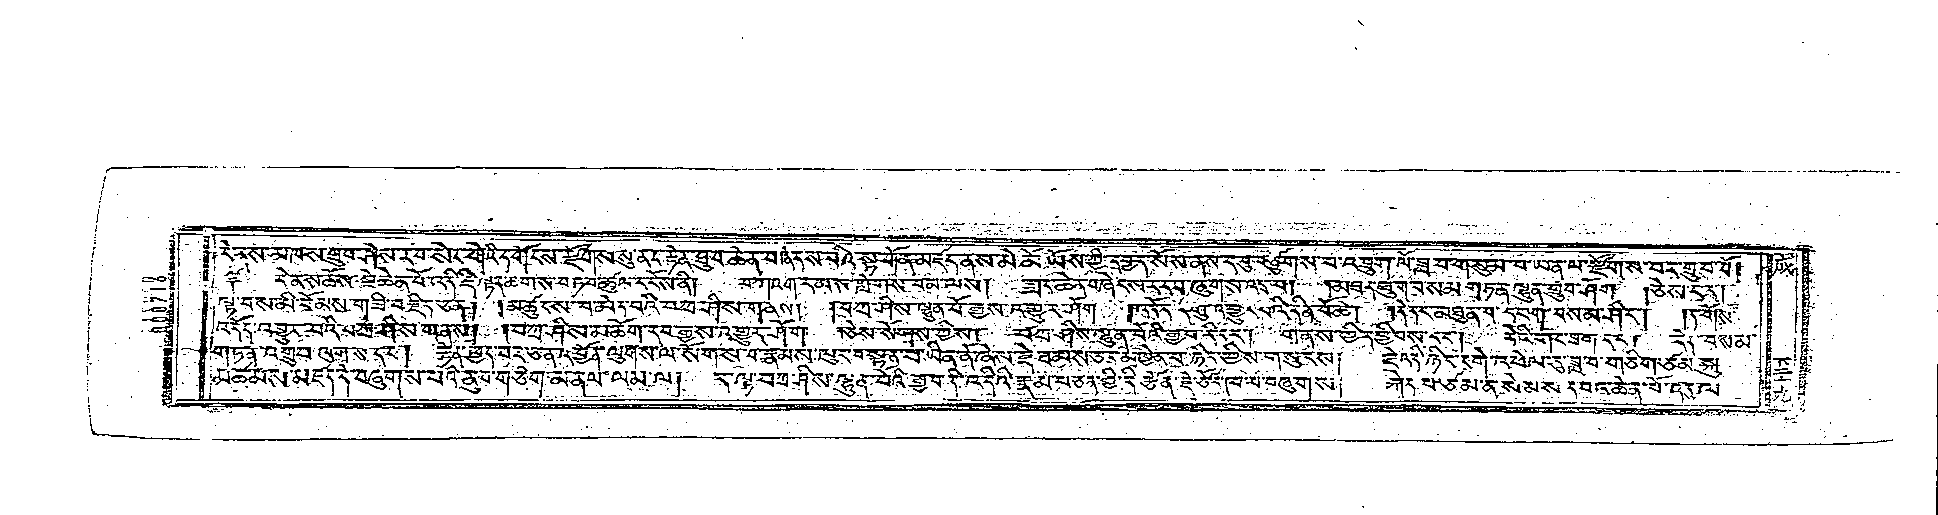དེ་ནས་མཁས་གྲུབ་ཤེས་རབ་སེང་གེའི་དགོངས་རྫོགས་སུ་ནང་རྟེན་ཐུབ་ཆེན་བཞེངས་བའི་སྟ་གོན་མཛད་ནས་མེ་མོ་ཡོས་ཀྱི་དབྱར་སོས་ནས་དབུ་བཙུགས་པ་འབྲུག་ལོ་ཟླ་བ་གསུམ་པ་ཡན་ལ་རྫོགས་པར་གྲུབ་པོ། །
༈ དེ་ནས་ཆོས་སྡེ་ཆེན་པོ་འདི་ཇི་ལྟར་ཆགས་བཏབ་ཚུལ་དངོས་ནི། བཀའ་གདམས་གླེགས་བམ་ལས། གླང་ཆེན་བཞེངས་དང་བཞུགས་འདྲ་བ། །མཐར་ཐུག་བསམ་གཏན་ལྷུན་གྲུབ་ཤོག །ཅེས་དང་།
ལྟ་བས་མི་དོམས་གཟི་བརྗིད་ཅན། །མཚུངས་པ་མེད་པའི་བཀྲ་ཤིས་གནས། །བཀྲ་ཤིས་ལྷུན་པོ་རྒྱས་འགྱུར་ཤོག །འདོད་དགུ་འབྱུང་པའི་རིན་པོ་ཆེ། །དེ་དང་མཐུན་པ་དཔག་བསམ་ཤིང་། །དགོས་
འདོང་འབྱུང་བའི་བཀྲ་ཤིས་གནས། །བཀྲ་ཤིས་མཆོག་རབ་རྒྱས་འགྱུར་ཤོག །ཅེས་སོགས་ཀྱིས། བཀྲ་ཤིས་ལྷུན་པོའི་རྒྱབ་རི་དང་། གནས་ཀྱི་དབྱིབས་དང་། དེའི་གང་ཟག་དང་། དེར་བསམ་
གཏན་འགྲུབ་ལུགས་དང་། རྟེན་ཁྱད་བར་ཅན་འབྱོན་ལུགས་ལ་སོགས་པ་རྣམས་ལུང་བསྟན་པ་ཡིན་ནོ་ཞེས་རྗེ་ཐམས་ཅད་མཁྱེན་པ་ཉིད་ཀྱིས་གསུངས། རྗེ་འདི་ཉིད་དགེ་འཕེལ་དུ་ཟླ་བ་གཅིག་ཙམ་སྐུ་
མཚམས་མཛད་དེ་བཞུགས་པའི་ནུབ་གཅིག་མནལ་ལམ་ལ། ད་ལྟ་བཀྲ་ཤིས་ལྷུན་པོའི་རྒྱབ་རི་འདིའི་རྣམ་པ་ཅན་གྱི་དི་རྩོན་རྗེ་ཙོང་ཁ་པ་བཞུགས། རྐེད་པ་ཙམ་ན་སེམས་དཔའ་ཆེན་པོ་འདུལ་